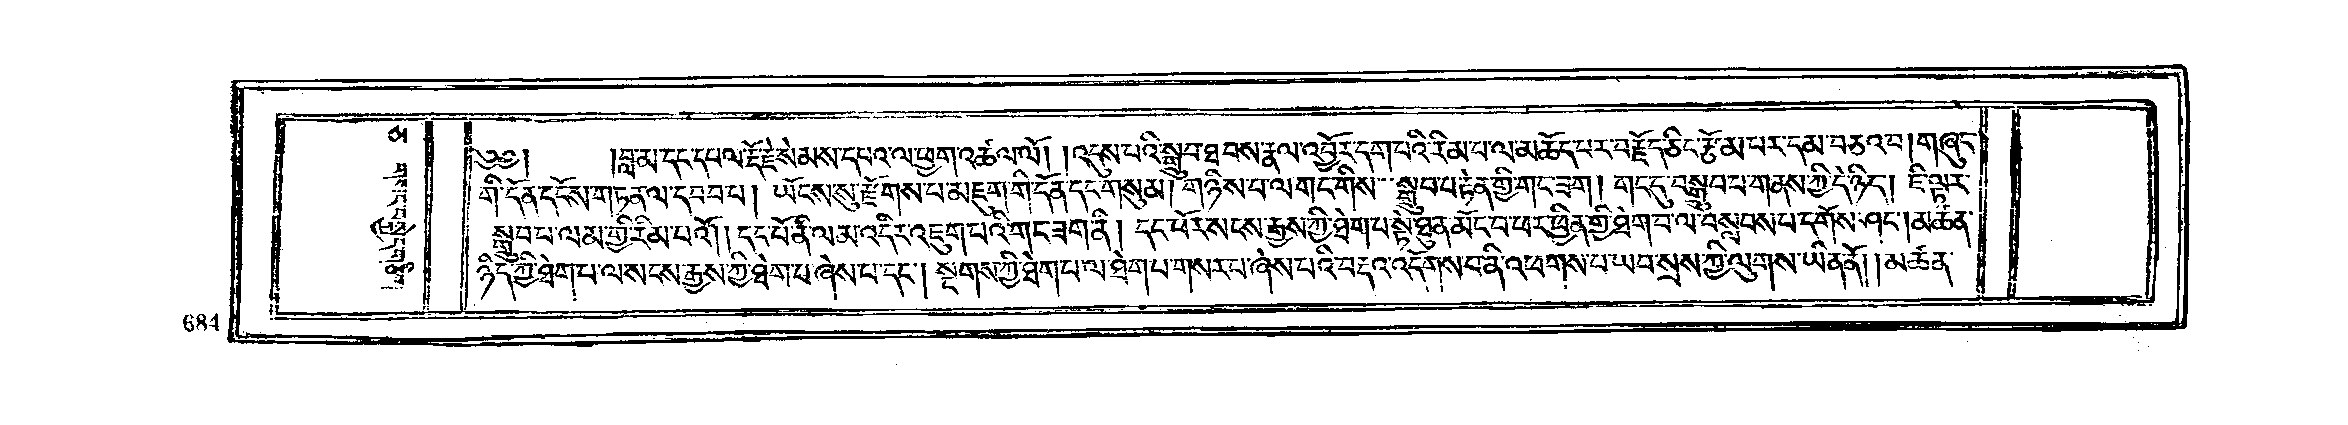༄༅། །བླ་མ་དང་དཔལ་རྡོ་རྗེ་སེམས་དཔའ་ལ་ཕྱག་འཚལ་ལོ། །འདུས་པའི་སྒྲུབ་ཐབས་རྣལ་འབྱོར་དག་པའི་རིམ་པ་ལ་མཆོད་པར་བརྗོད་ཅིང་རྩོམ་པར་དམ་བཅའ་བ། གཞུང་
གི་དོན་དངོས་གཏན་ལ་དབབ་པ། ཡོངས་སུ་རྫོགས་པ་མཇུག་གི་དོན་དང་གསུམ། གཉིས་པ་ལ་གང་གིས་སྒྲུབ་པ་རྟེན་གྱི་གང་ཟག །གང་དུ་བསྒྲུབ་པ་གནས་ཀྱི་དེ་ཉིད། ཇི་ལྟར་
སྒྲུབ་པ་ལམ་གྱི་རིམ་པའོ། །དང་པོ་ནི་ལམ་འདིར་འཇུག་པའི་གང་ཟག་ནི། དང་པོར་སངས་རྒྱས་ཀྱི་ཐེག་པ་སྟེ་ཐུན་མོང་བ་ཕར་ཕྱིན་གྱི་ཐེག་པ་ལ་བསླབས་པ་དགོས་ཤིང་། མཚན་
ཉིད་ཀྱི་ཐེག་པ་ལ་སངས་རྒྱས་ཀྱི་ཐེག་པ་ཞེས་པ་དང་། སྔགས་ཀྱི་ཐེག་པ་ལ་ཐེག་པ་གསར་པ་ཞེས་པའི་བརྡའ་འདོགས་པ་ནི་འཕགས་པ་ཡབ་སྲས་ཀྱི་ལུགས་ཡིན་ནོ། །མཚན་